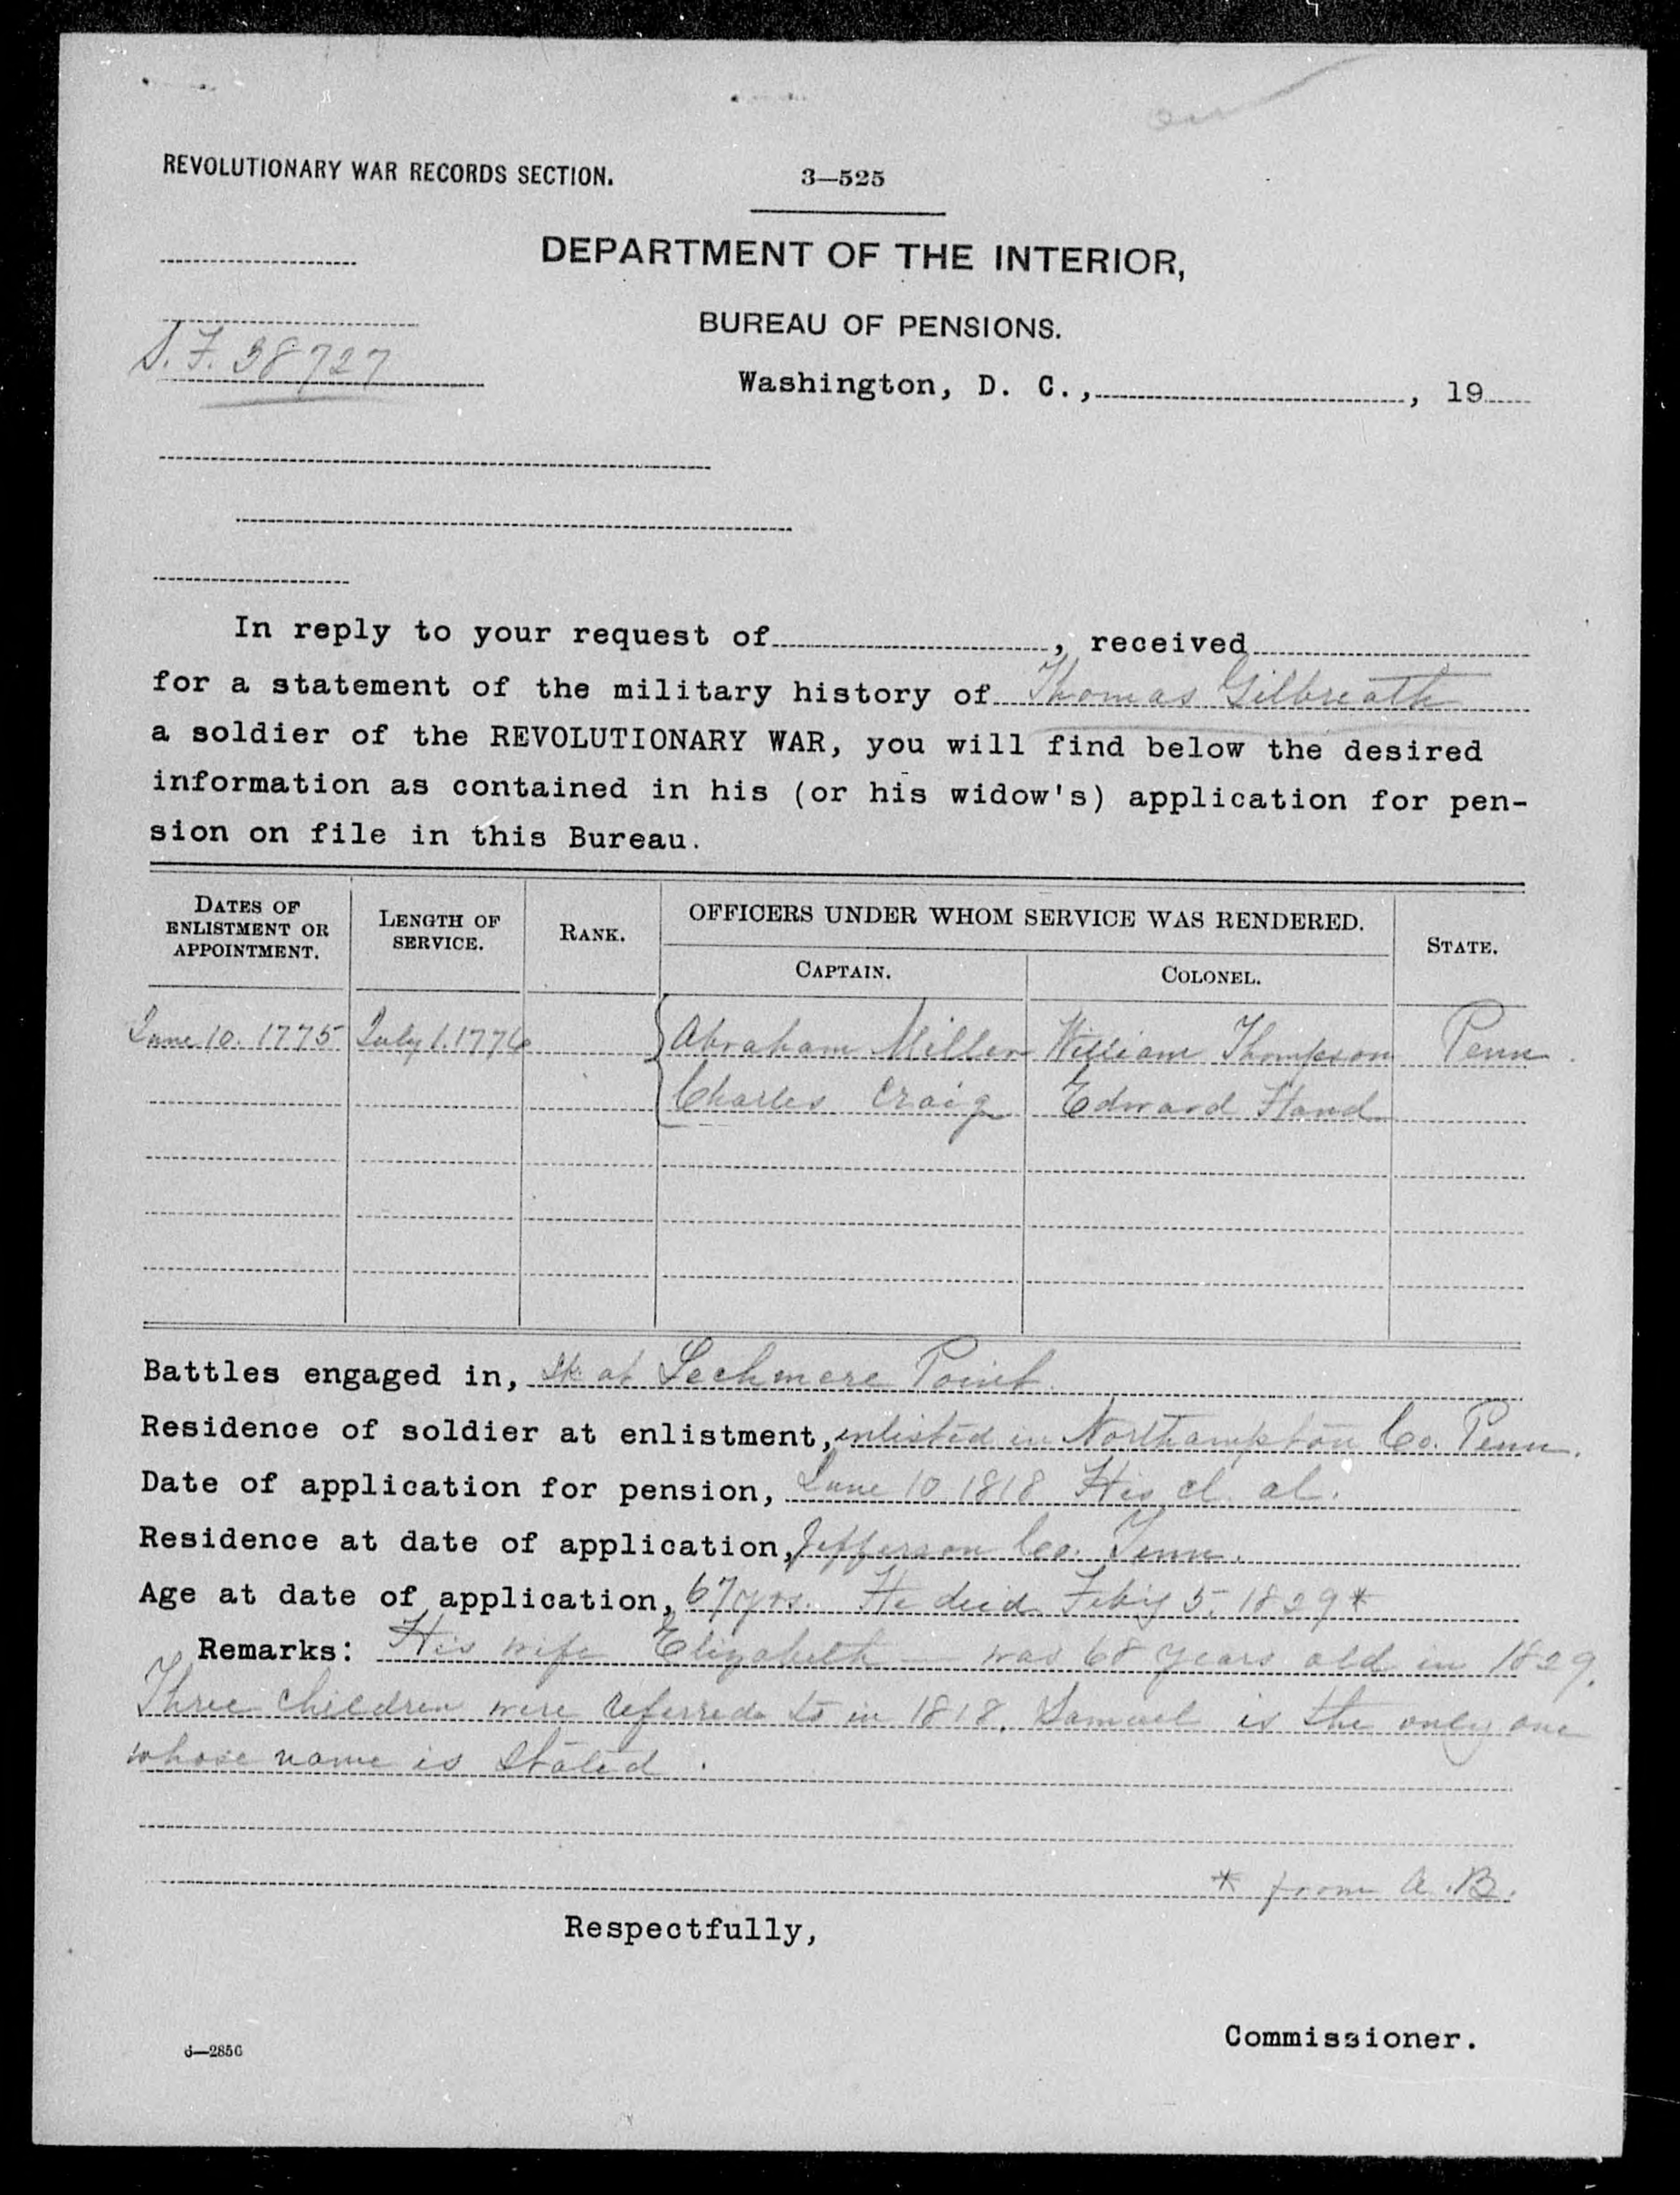REVOLUTIONARY WAR RECORDS SECTION.    3--525
__________
DEPARTMENT OF THE INTERIOR,
BUREAU OF PENSIONS.

s.f.. 38727       Washington, D. C., _________, 19_____
_______
______
________
In reply to your request of______, received________
for a statement of the military history of Thomas Gilbreath a soldier of the REVOLUTIONARY WAR, you will find below the desired information as contained in his (or his widow's) application for pension on file in this Bureau.
_____________
DATES OF
ENLISTMENT OR
APPOINTMENT
JUNE 10, 1775

LENGTH OF 
SERVICE.
July 1, 1776

RANK.
[blank]

OFFICERS UNDER WHOM SERVICE WAS RENDERED.
Captain.       /      Colonel. 
Abraham Miller    /    William Thompson
Charles Craig      /  Edward Hand

STATE.
Penn

Battles engaged in,   [illegible] at Lechmere Point
Residence of soldier at enlistment, , enlisted in Northampton Co, Penn.
Date of application for pension,  June 10 1818 His cl. al.
Residence at date of application, Jefferson Co. Tenn.
Age at date of application, 67 years. He died Feby 5, 1829*
     Remarks: His wife Elizabeth --- was 68 years old in 1829. Three children were referred to in 1818. Samuel is the only one whose name is stated


*from A.B
Respectfully,

d--285G           Commissioner.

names: Samuel, William Thompson, Abraham Miller, Thomas Gilbreath, Charles Craig, Edward Hand, Elizabeth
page: 12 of 24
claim: survivor's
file: S. 38727, Thomas Gilbreath, Penn.